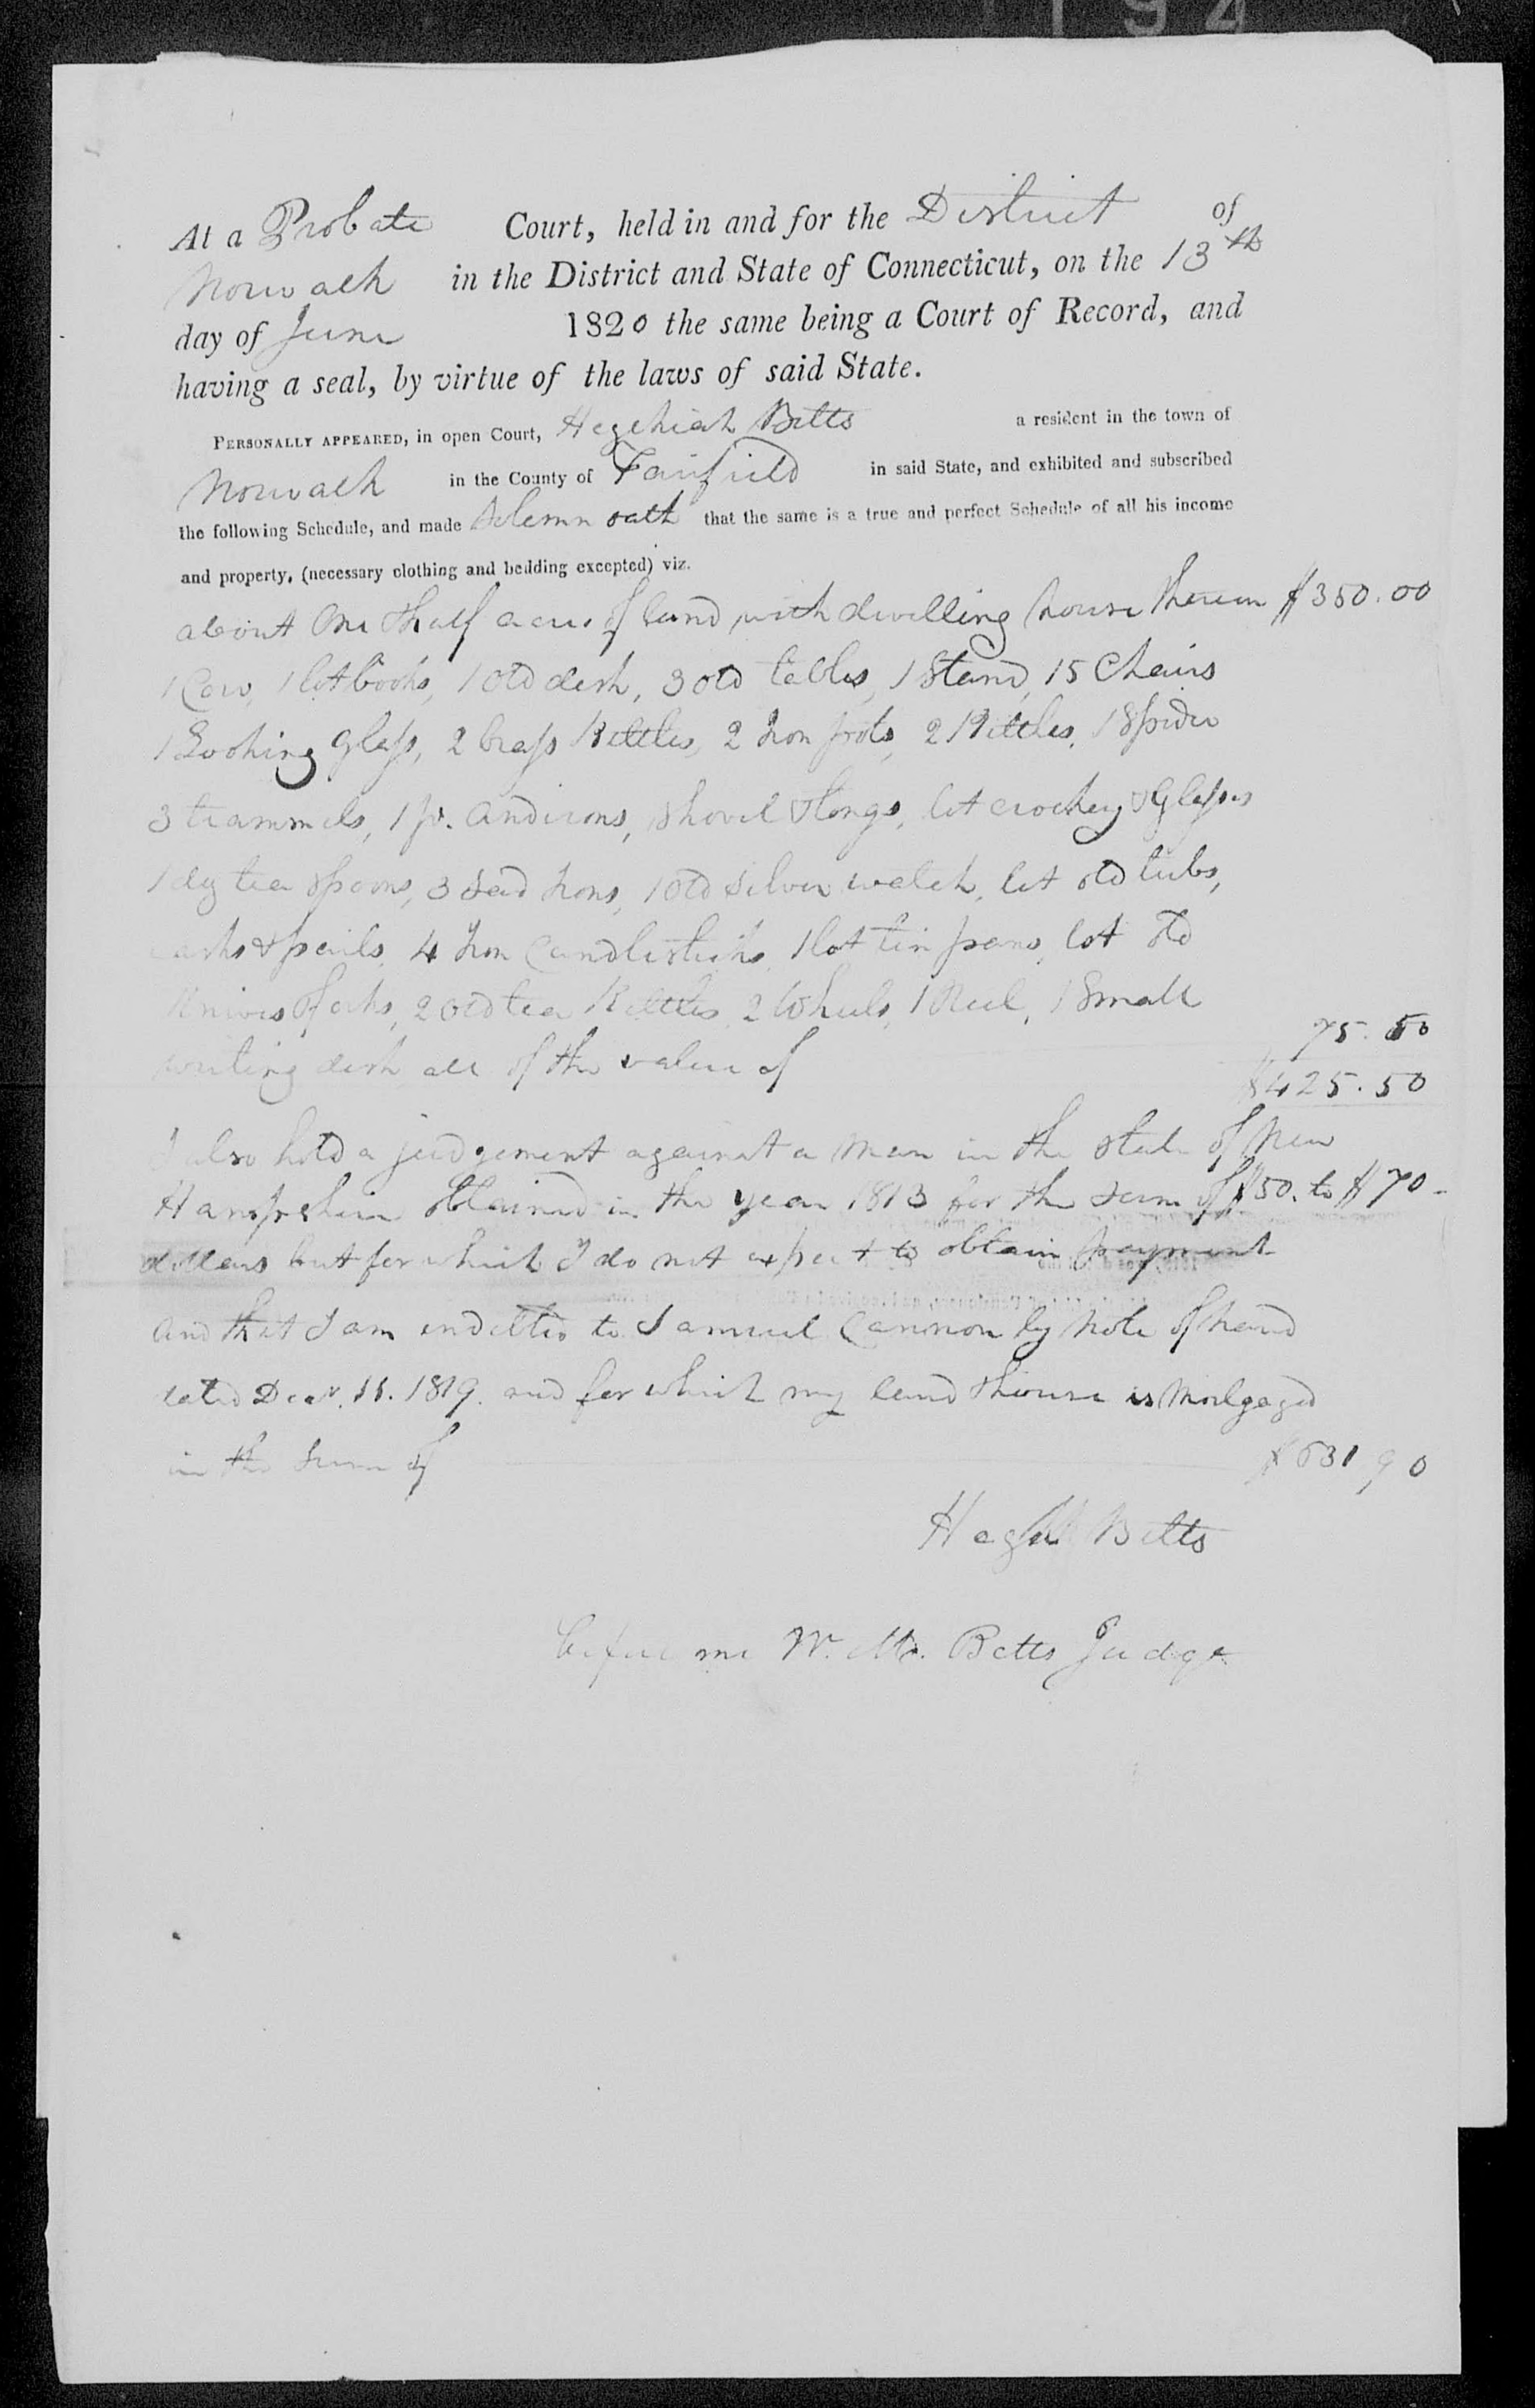At a Probate Court, held in and for the District of Norwalk in the District and State of Connecticut, on the 13th day of June 1820 the same being a Court of Record, and having a seal, by virtue of the laws of said State. PERSONALLY APPEARED, in open Court, Hezekiah Betts a resident in the town of Norwalk in the county of Fairfield in said State, and exhibited and subscribed the following Schedule, and made solemn oath that the same is a true and perfect Schedule of all his income and property, (necessary clothing and bedding excepted) viz:
about one half acres of land, with dwelling house therein $350.00
1 cow, 2 lot books, 1 old desk, 3 old tables, 3 stand, 15 cahirs, 1 looking glass, 2 brass kettles, 2 iron pots, 2 kettles, 1 spider, 3 trammils, 1 pr andirons, shovel & tongs, lot crockery & glasses, 1 dz teaspoons, 3 lead irons, 1 old silver watch, lot of old tubs, casks & pails, 4 iron candlesticks, 1 lot tin pans, lot old knives & forks, 2 old tea kettles, 2 wheels, 1 reel, 1 small writing desk all of the value of 75.50
---------------
$425.50
I also hold a judgement against a man in the State of New Hampshire obtained in the year 1813 for the sim of $50 to $70 dollars but for which I do not expect to obtain payments and that I am indebted to Samuel Cannon by note of hand dated Dec. 16, 1819, and for which my land & house is mortgaged in the sum of $531.90
Hezekiah Betts
before me W. M. Betts Judge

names: Hezh Betts, Samuel Cannon, Hezekiah Betts, W M Betts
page: 42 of 61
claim: widow's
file: W. 29,929, Hezekiah Betts, Conn.